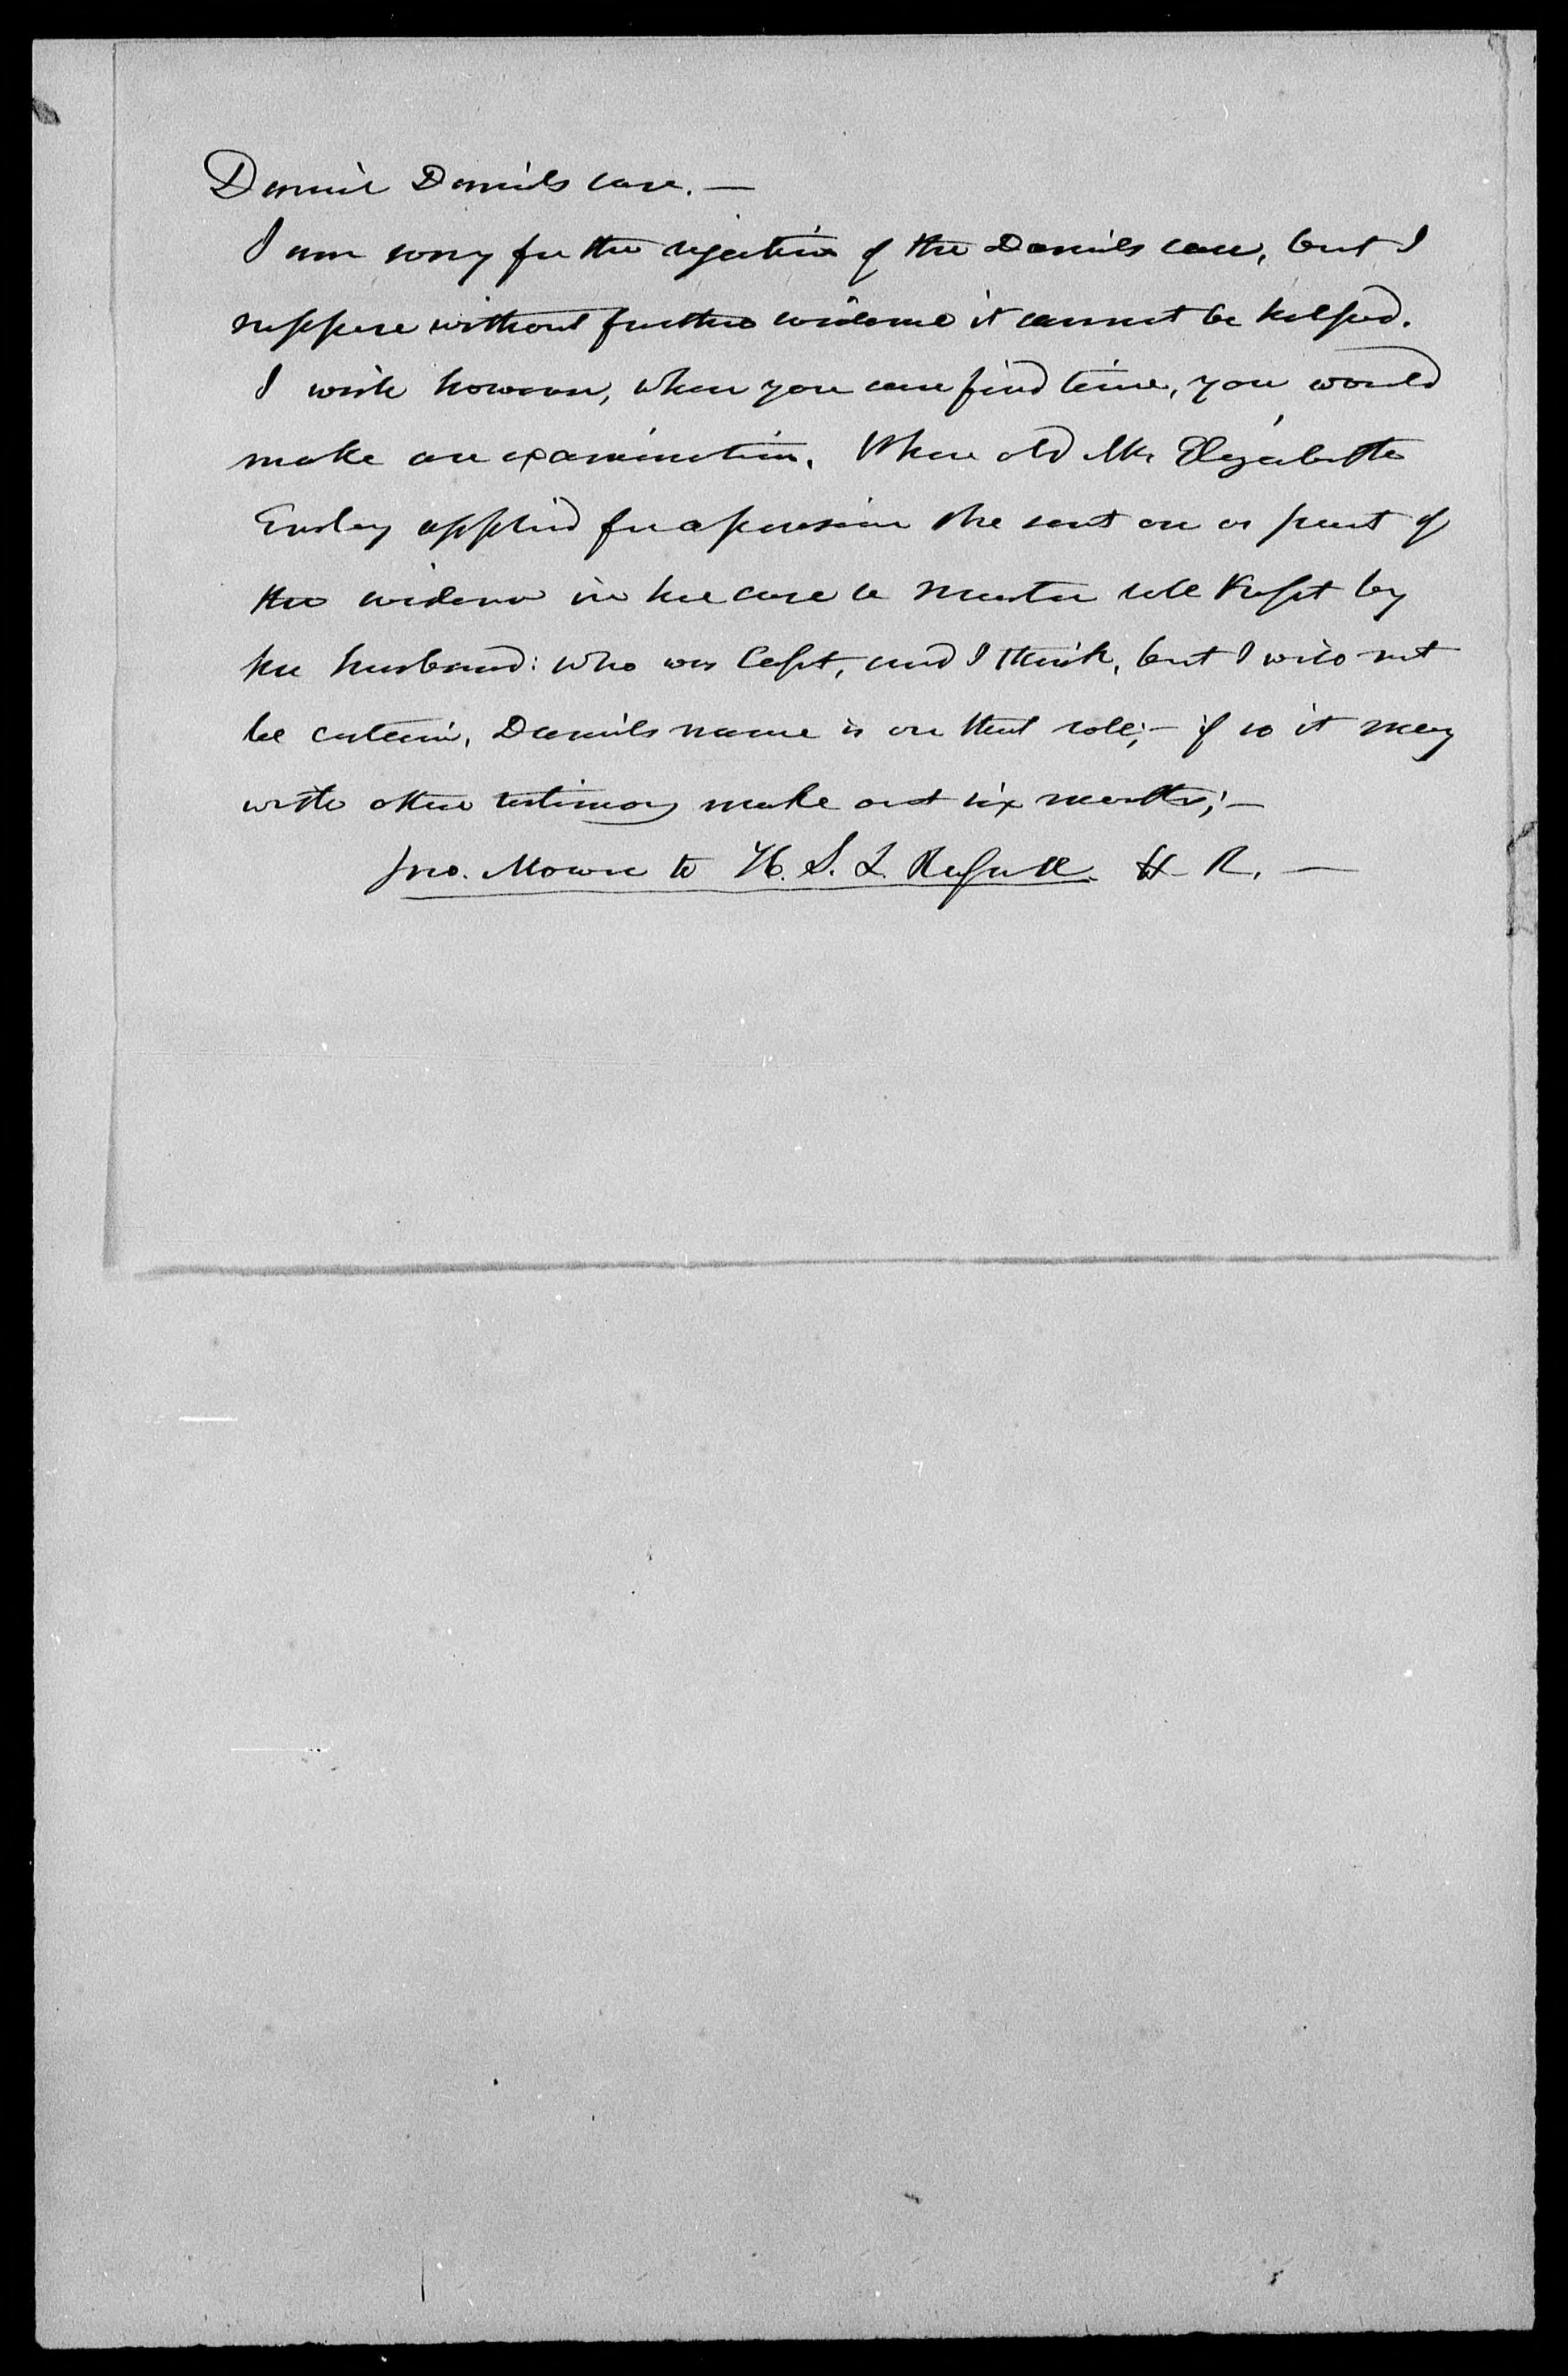Daniel Daniels case
I am sorry for the rejection of the Daniels case, but I
suppose without further evidence it cannot be helped.
I wish however, when you can find time, you would
make an examination. When old Mrs. Elizabeth
Ensley applied for pension she sent on as part of
the evidence in her case a muster roll kept by
her husband; who was Capt, and I think, but I will not
be certain, Daniels name is on that roll; if so it may
with other testimony make out six months;
Jno. Mower to Hon S. L. Russell H. R.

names: Daniels, H S L Russell, Daniels, Jno Mower, Elizabeth Ensley, Daniel Daniels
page: 29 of 35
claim: rejected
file: R. 2,650, Daniel Daniels, Penn.